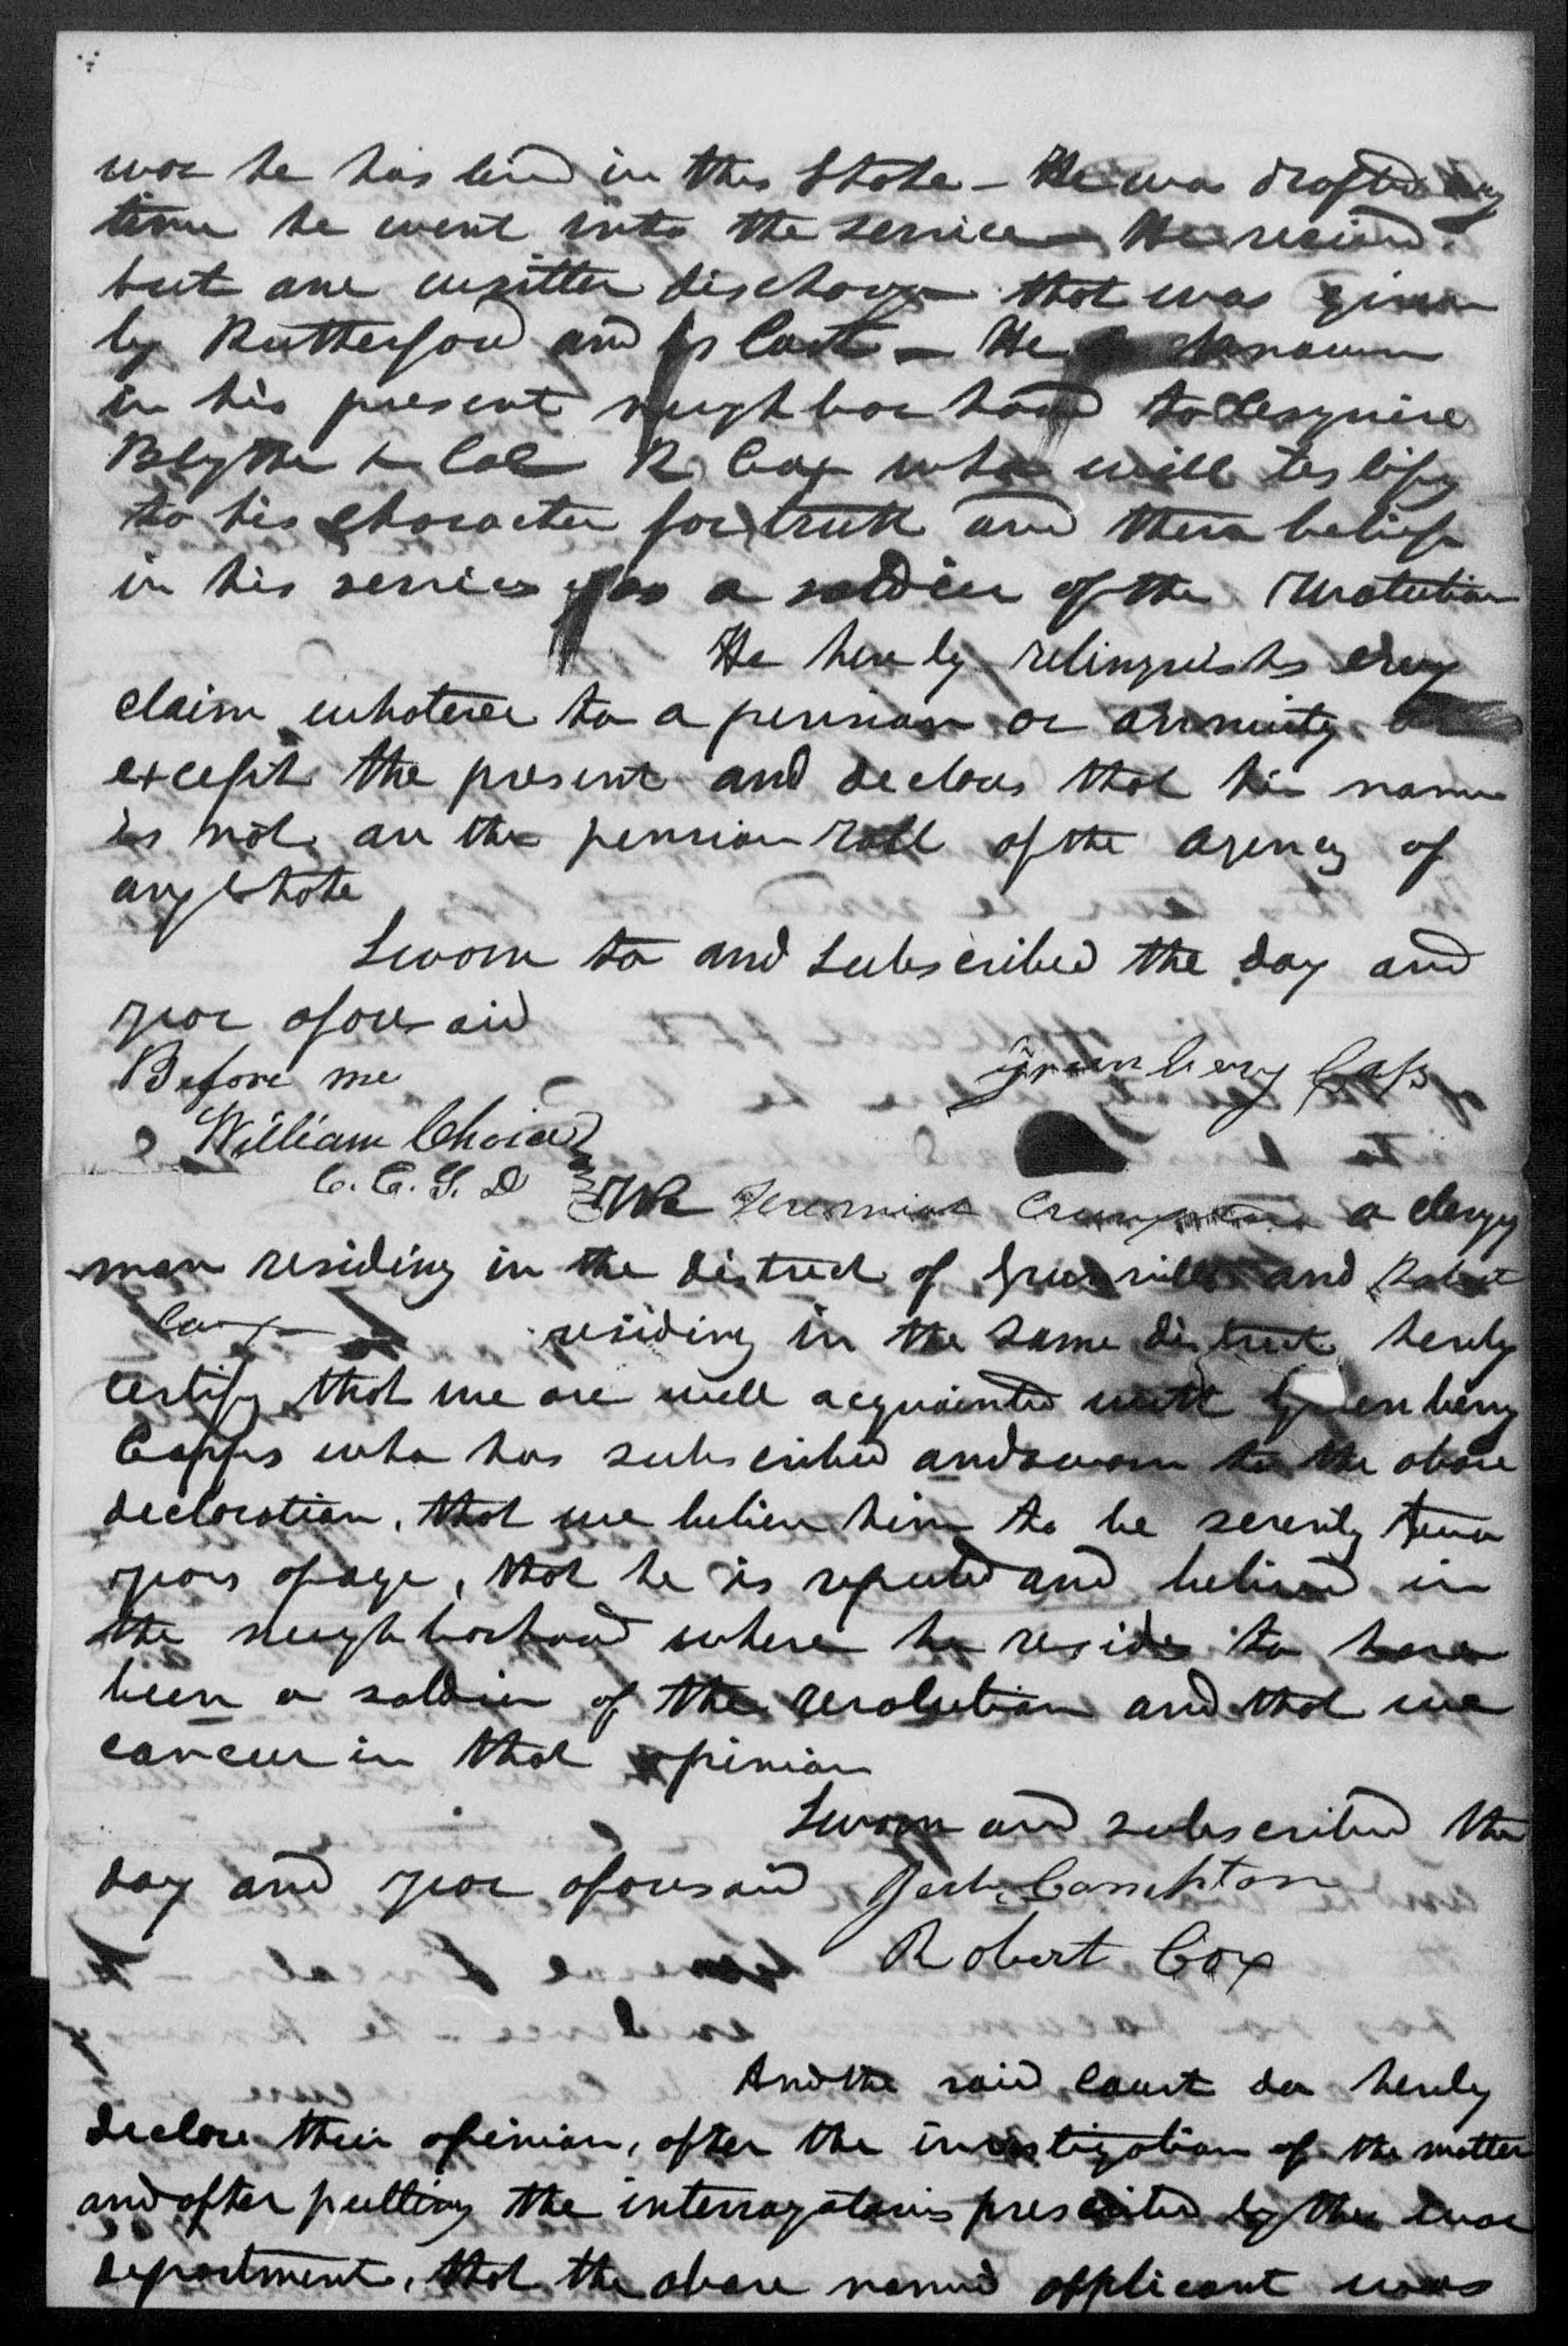war he has lived in this State - He was drafted  every time he went into the service He received but one written discharge - that was given by Rutherford and is lost - He is known in his present neighborhood to  squire Blythe & Col R Cox who will testify to his character  for truth and their belief in his services as a soldier of the revolution. He hereby relinquishes every claim whatever to a pension or annuity except the present and declares that his name does not appear on the pension roll of the  agency of any State  . Sworn to and subscribed the day and year aforesaid  before me . Greenbery Caps  ( signed ) William Choice (  signed ) C.C.S.D.   We Jeremiah Compton a clergyman residing in the district of Greenville and Robert Cox residing in the same district  hereby certify that we are well acquainted with Greenberry Capps who has subscribed  and sworn to the above declaration , that we believe him to be seventy seven years of age, that he is reputed and believed in the neighborhood where he resides to have been a soldier of the revolution and that we concur in that opinion.  Sworn and subscribed the day and year aforesaid . Jerh. Compton ( signed ) Robert Cox  ( signed ) And the said Court do hereby declare their opinion  after the investigation of the matter and after putting the interrogatories prescribed by the war department , that the above named applicant was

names: Greenberry Capps, Greenbery Caps, R Cox, Robert Cox, William Choice, Joel Campton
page: 7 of 26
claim: survivor's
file: S. 21105, Greenbery Caps, S.C.